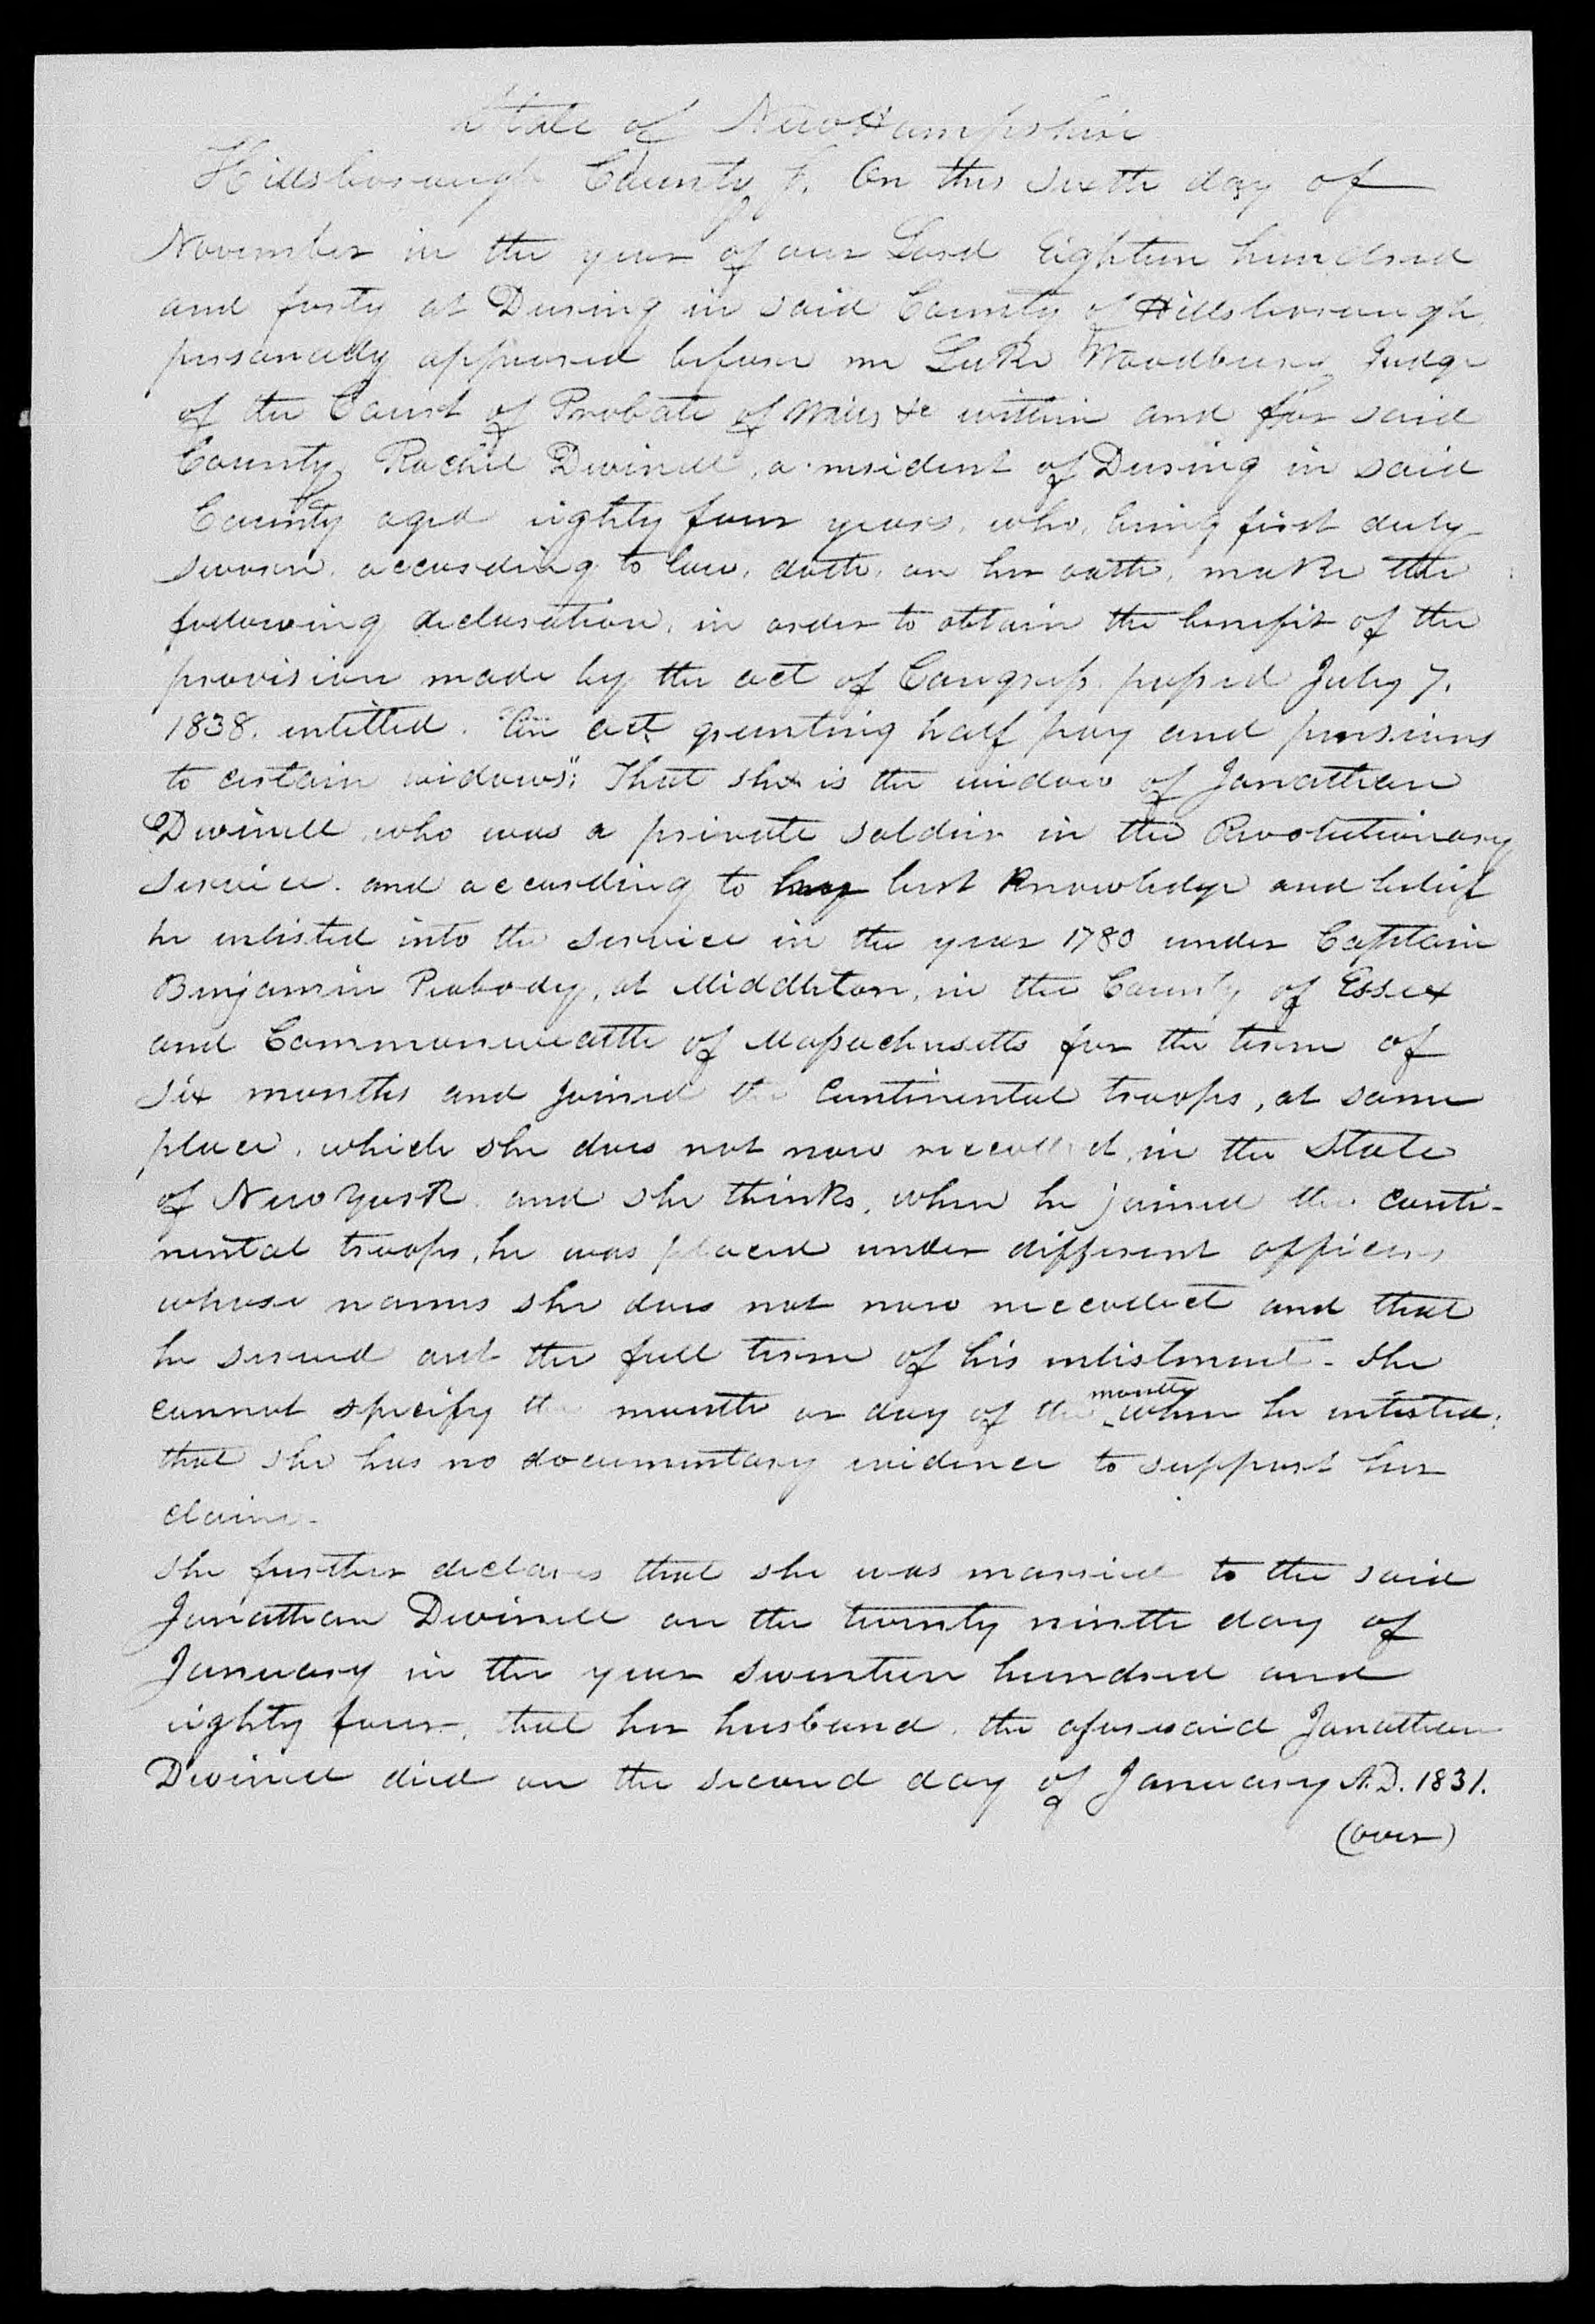State of New Hampshire
Hillsborough County Ss. on this sixth day of November in the year of our Lord Eighteen hundred and forty at Deering in said County of Hillsborough personally appeared before me Luke Woodbury, Judge of the Court of Probate of Wills &c within and for said County Rachel Dwinell, a resident of Deering in said County aged eighty four years, who, being first duly sworn, according to law, doth, on her oath, make the following declaration, in order to attain the benefit of the provision made by the act of Congress passed July 7. 1838, entitled "An act granting half pay and pensions to certain widows;" that she is the widow of Jonathan Dwinell, who was a private soldier in the Revolutionary Service and according to her best knowledge and belief he enlisted into the service in the year 1780 under Captain Benjamin Peabody, of Middleton, in the County of Essex and Commonwealth of Massachusetts for the term of six months and joined the Continental troops, at some place, which she does not now recollect in the State of New York and she thinks when he joined the Continental troops, he was placed under different officers whose names she does not now recollect and that he served out the full term of his enlistment.  She cannot specify the month and day of the ^[illegible] he enlisted that she has no documentary evidence to support his claim.
She further declares that she was married to the said Jonathan Dwinell on the twenty ninth day of January in the year seventeen hundred and eighty four, that her husband, the aforesaid Jonathan Dwinell did on the second day of January A.D. 1831. (over)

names: Jonathan Dwinell, Luke Woodbury, Jonathan Dwinell, Jonathan Dwinell, Benjamin Peabody, Rachel Dwinell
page: 6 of 22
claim: widow's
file: W. 22984, John Dwinnell, Mass.